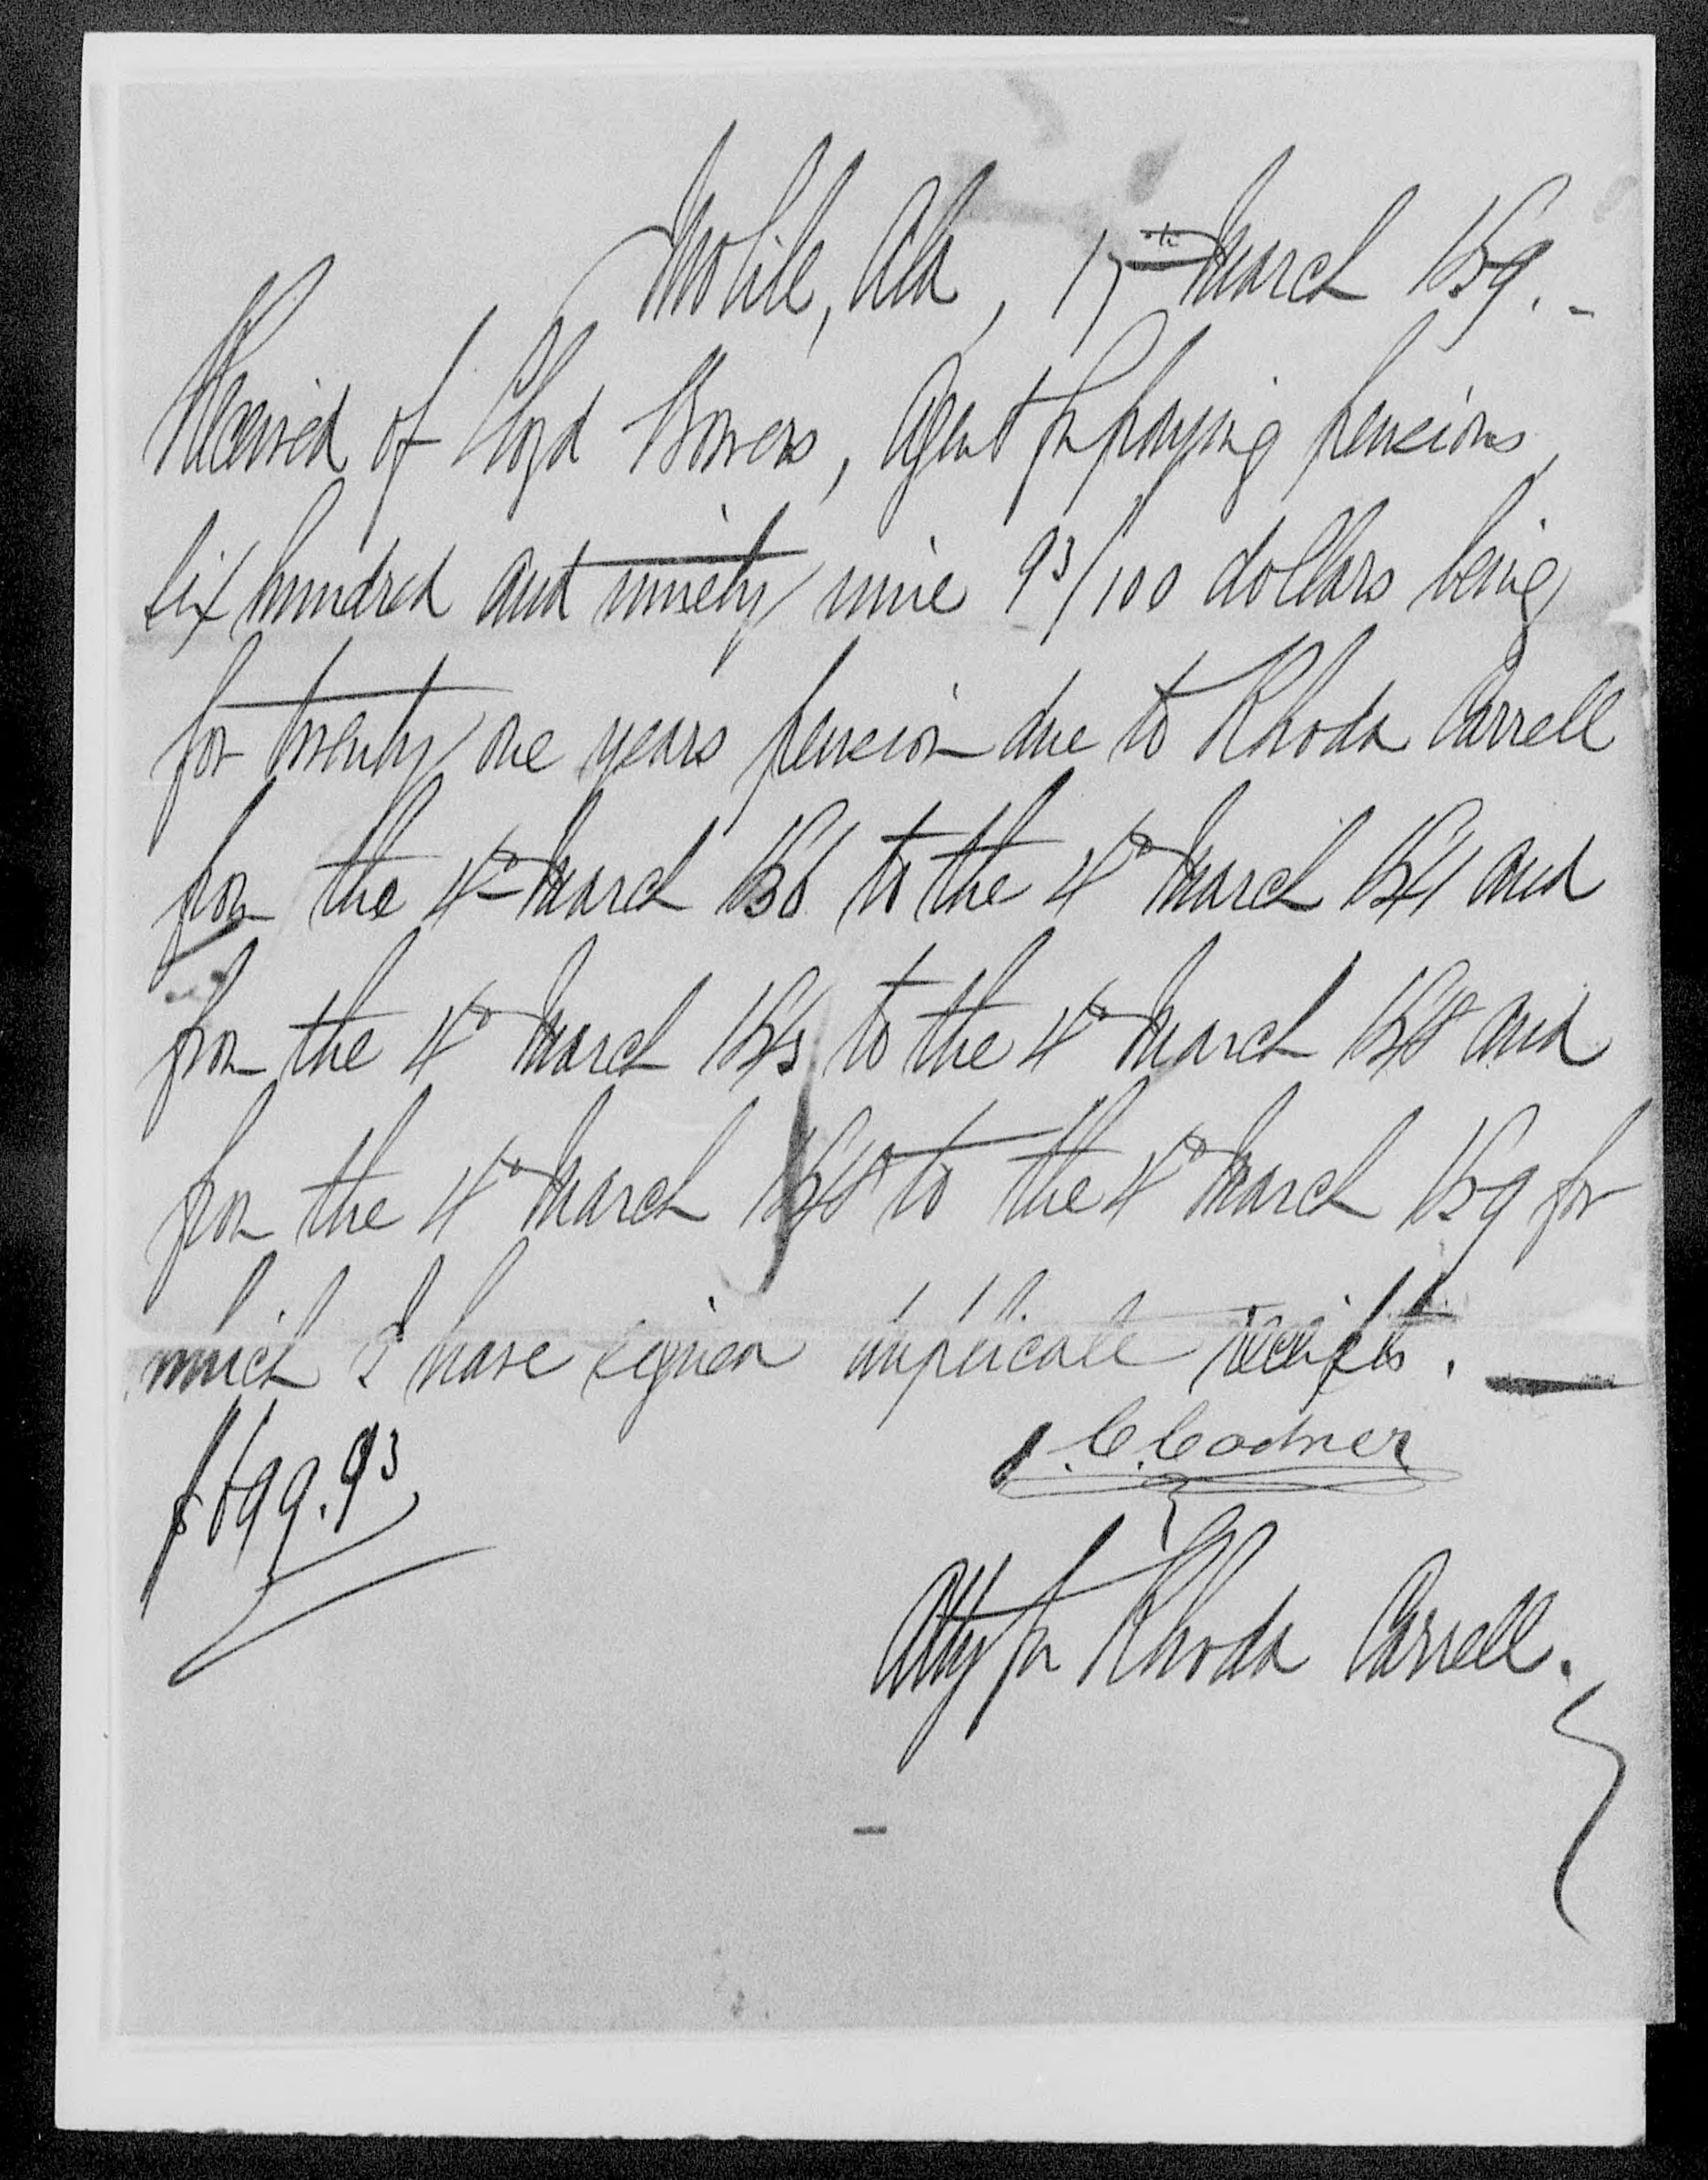Mobile, Ala, 17th March [illegible]
Received of Lloyd Bowers, Agent for paying pensions
six hundred and ninety nine 93/100 dollars being for twenty one years pension due to Rhoda Carrell from the 4th March 1836 to the 4th March 1841 and for the 4th March [illegible] to the 4 March [illegible] and for the 4th March [illegible] to the 4th March [illegible] for which I have signed duplicate receipts.   J. C. Codner Atty for Rhoda Carrell

$699.93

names: J C Codner, Lloyd Bowers, Rhoda Carrell, Rhoda Carrell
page: 65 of 86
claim: widow's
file: W. 6899, James Carrell, N.C.